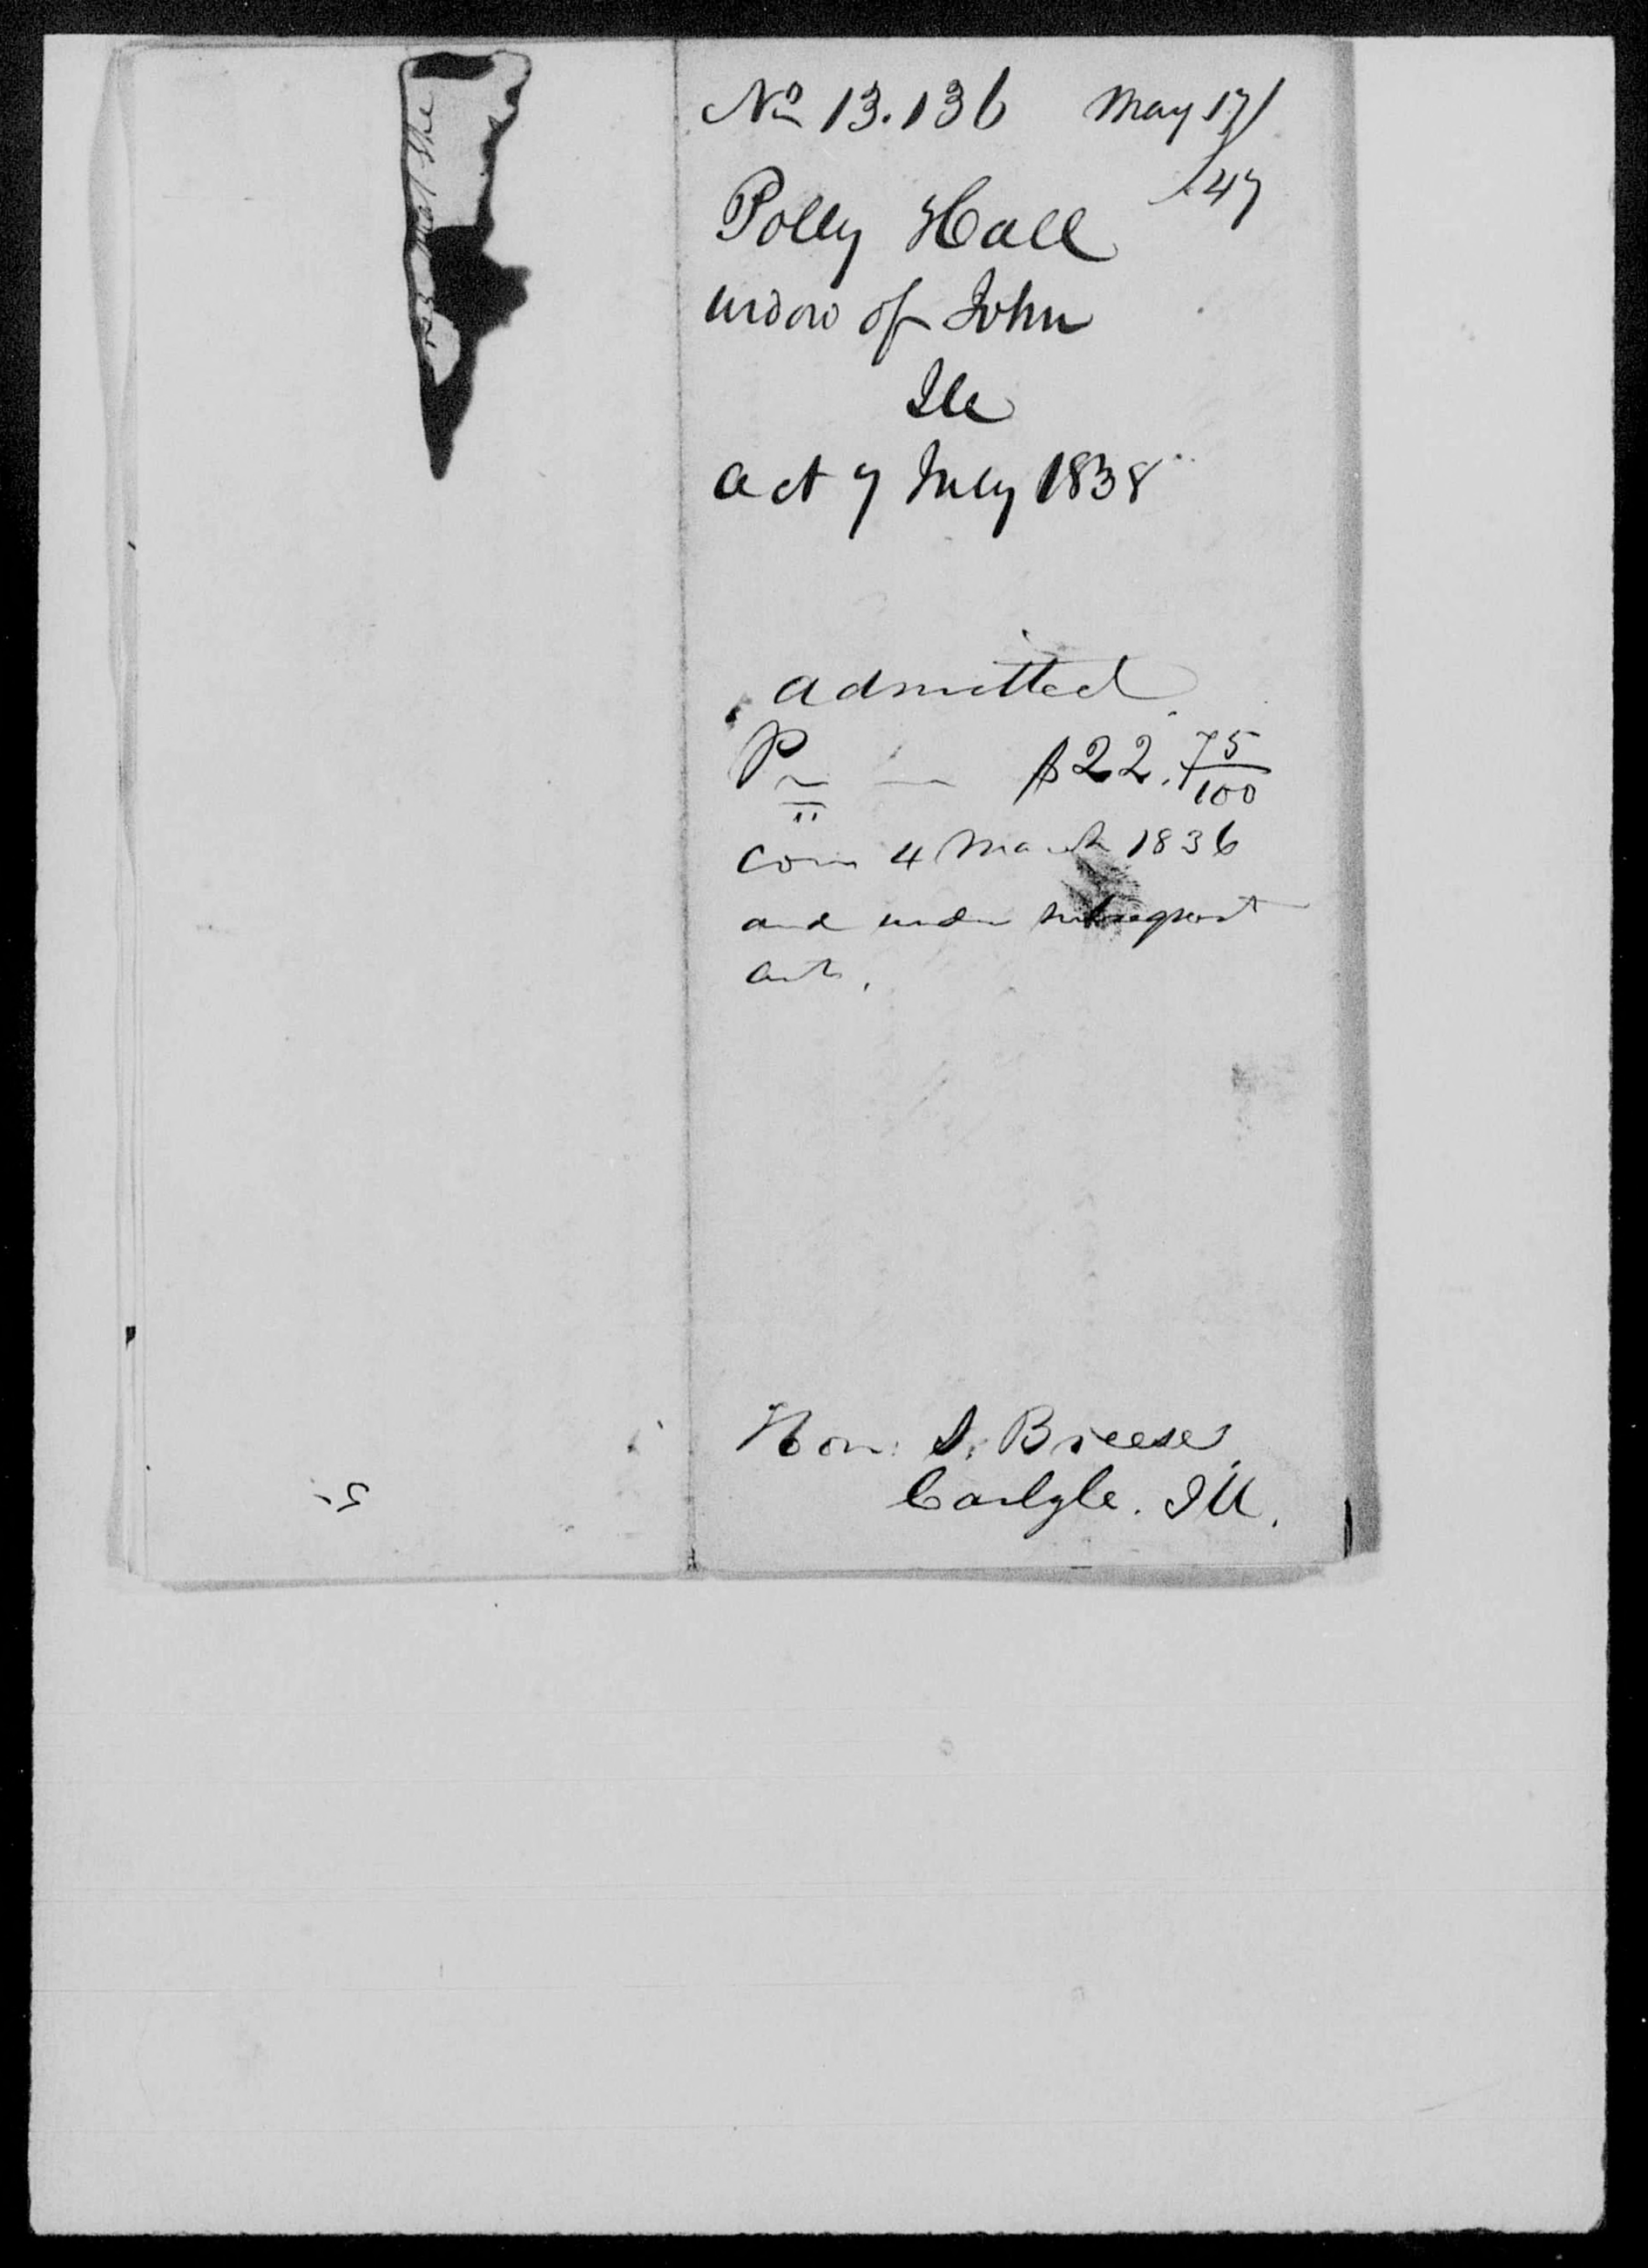No 13.136   May 17/47

Polly Hall
widow of John 
Ill
Act 7 July 1838

Admitted

P       $22 75/100
Comm 4 March 1836
and under subsquent
acts

Hon. S Bresse
Carlyle Ill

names: John Hall, Polly Hall, S Breese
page: 4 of 61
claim: widow's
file: W. 23,236, John Hall, N.C.